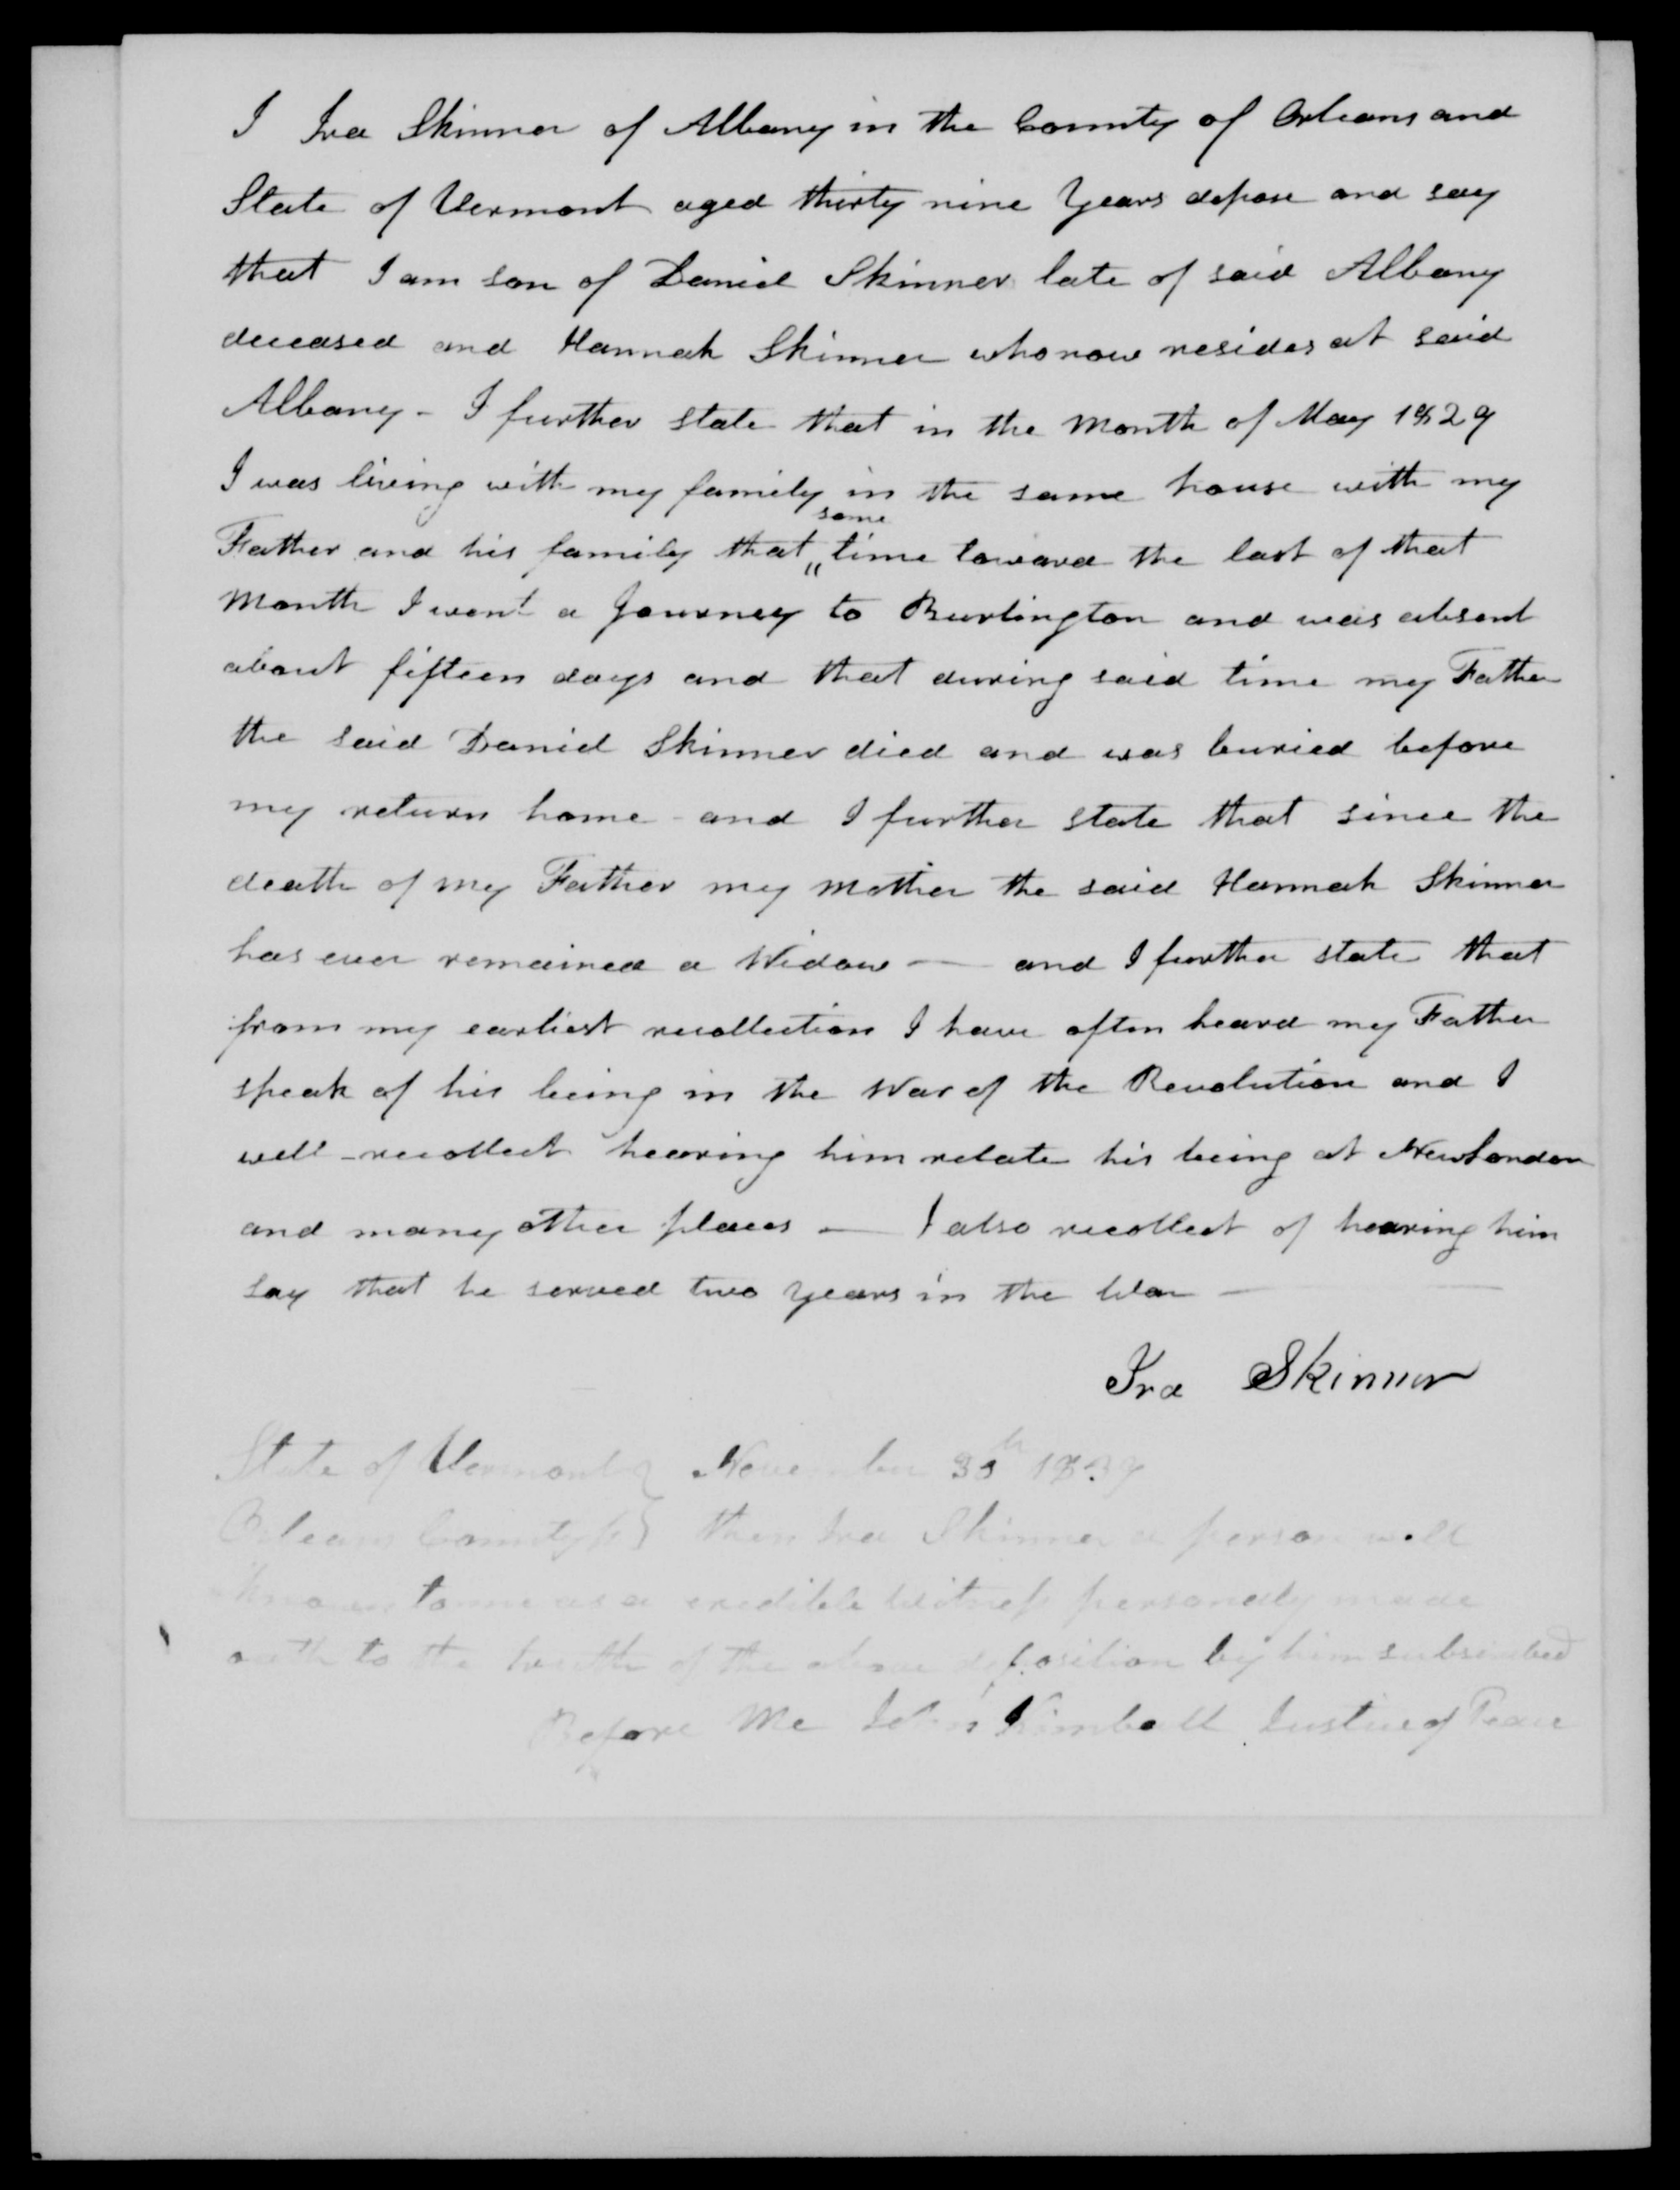I Ira Skinner of Albany in the County of Orleans and
State of Vermont aged thirty nine years depose and say
that I am son of Daniel Skinner late of said Albany
deceased and Hannah Skinner who now resides at said
Albany - I further state that in the month of May 1829
I was living with my family in the same house with my
Father and his family that sometime toward the last of that
month I went a journey to Burlington and was absent
about fifteen days and that during said time my Father
the said Daniel Skinner died and was buried before
my return home and I further state that since the
death of my Father my mother the said Hannah Skinner
has ever remained a Widow-- and I further state that
from my earliest recollection I have often heard my Father
speak of his being in the war of the Revolution and I
well recollect hearing him relate his being at New London
and many other places.-- I also recollect of hearing him
say that he served two years in the War-
Ira Skinner

State of Vermont ⎬  November 30th 1837
Orleans County SS ⎬Then Ira Skinner a person well
known to me as credible witness personally made
oath to the truth of the above deposition by him subscribed
Before me John Kimbell Justice of Peace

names: Theodore Skinner; Ira Skinner; Hannah Skinner; Daniel Skinner; John Kimball; Daniel Skinner; Hannah Skinner; Ira Skinner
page: 8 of 46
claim: widow's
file: W. 24976, for Daniel Skinner, New Hampshire